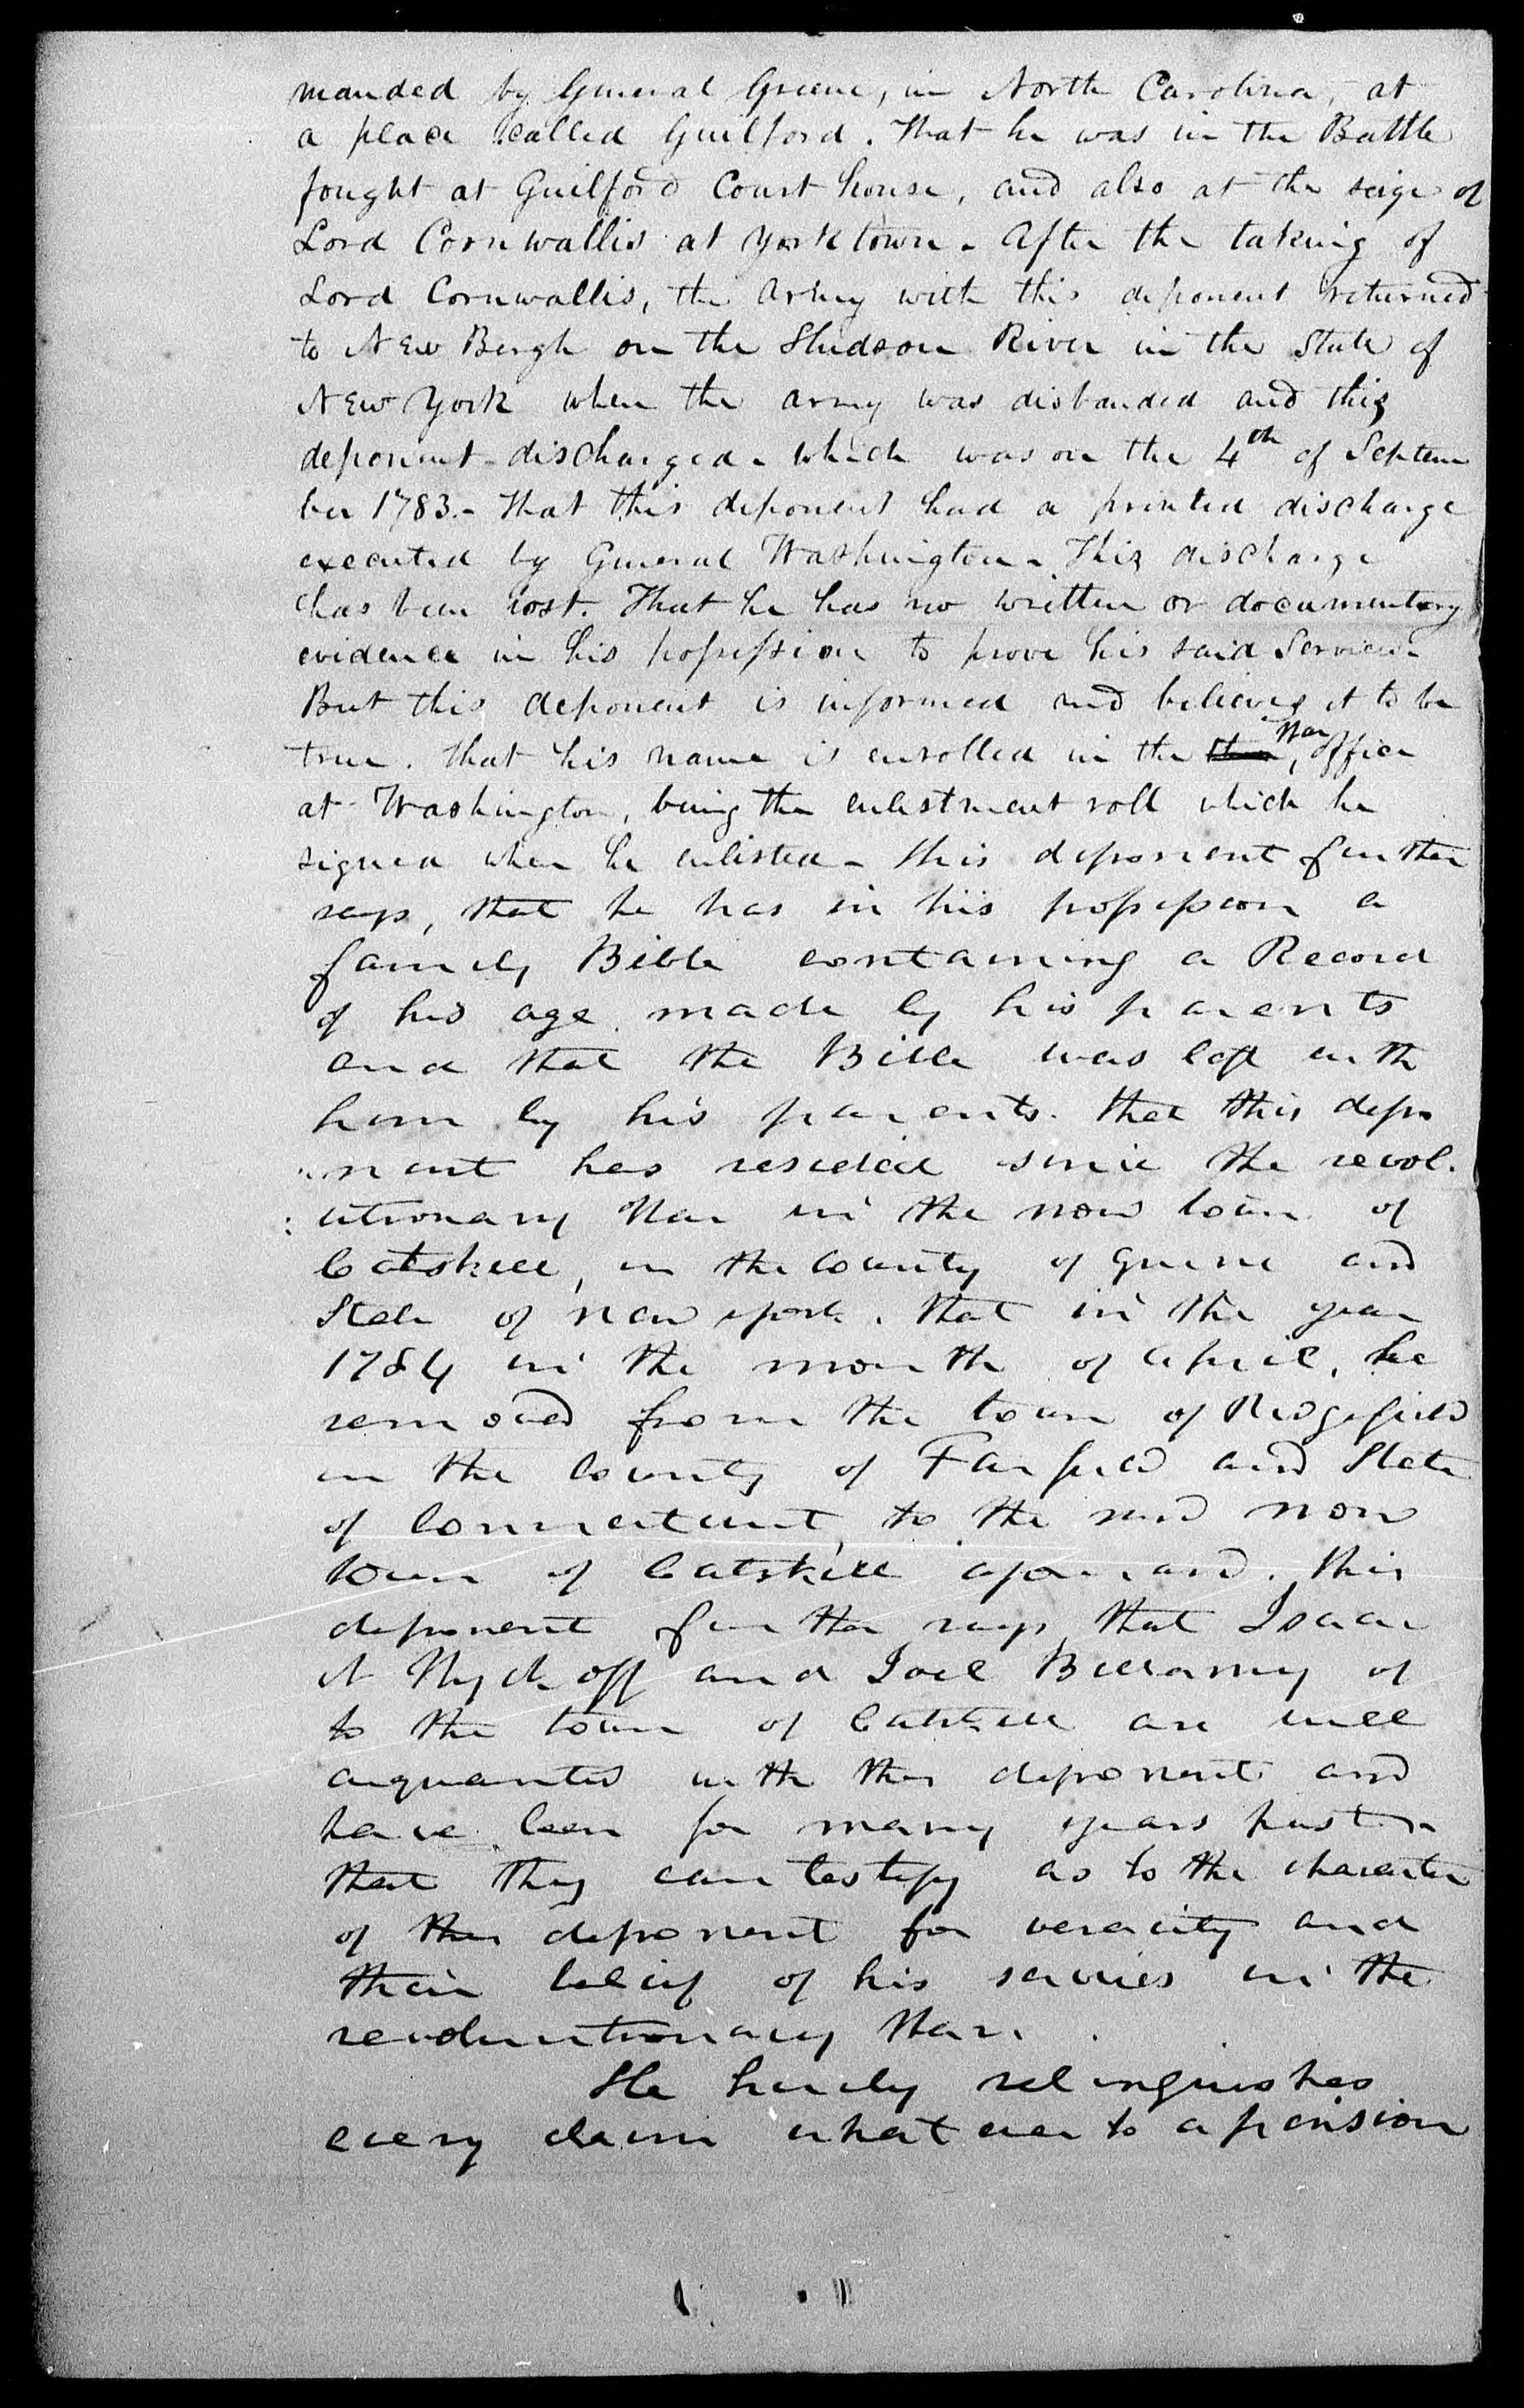manded by General Greene, in North Carolina, at a place called Guilford Court house, and also at the siege of Lord Cornwallis at Yorktown. After the taking of Lord Cornwallis, the Army with this deponent returned to New Bergh on the Hudson River in the State of New York when the army was disbanded and this deponent discharged which was on the 4th of September 1783. That this deponent had a printed discharge executed by General Washington. This discharge has been lost. That he has no written or documentary evidence in the possession to prove his said Service. But this deponent is informed and believing it to be true. That his name is enrolled in the [word crossed out] War office at Washington, being the enlistment roll which he signed when he enlisted. This deponent further says that he has in hid possession a family Bible containing a Record of his age made by his parents and that the Bible was left with him by his parents. that this depo:nent has resided since the revol:untionary War in the now town of Catskill, in the county of Green and State of New York. that in the year 1784 in the month of April, he removed from the town of Ridgefield in the County of Fairfield and State of Connecticut to the said now town of Catskill aforesaid. this deponent for the [illegible] that Isaac N Wyckoff and Joel Bellamy of the town of Catskill are well acquainted in the deponent and have been for many years [illegible] that they can testify as to the character of this deponent for veracity and their belief of his service in the revolutionary War.
He hereby relinquishes every claim whatever to a pension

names: Isaac N Wyckoff, Joel Bellamy, Cornwallis, Washington, Cornwallis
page: 7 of 54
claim: survivor's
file: S. 13,043, Samuel Foster, Conn.